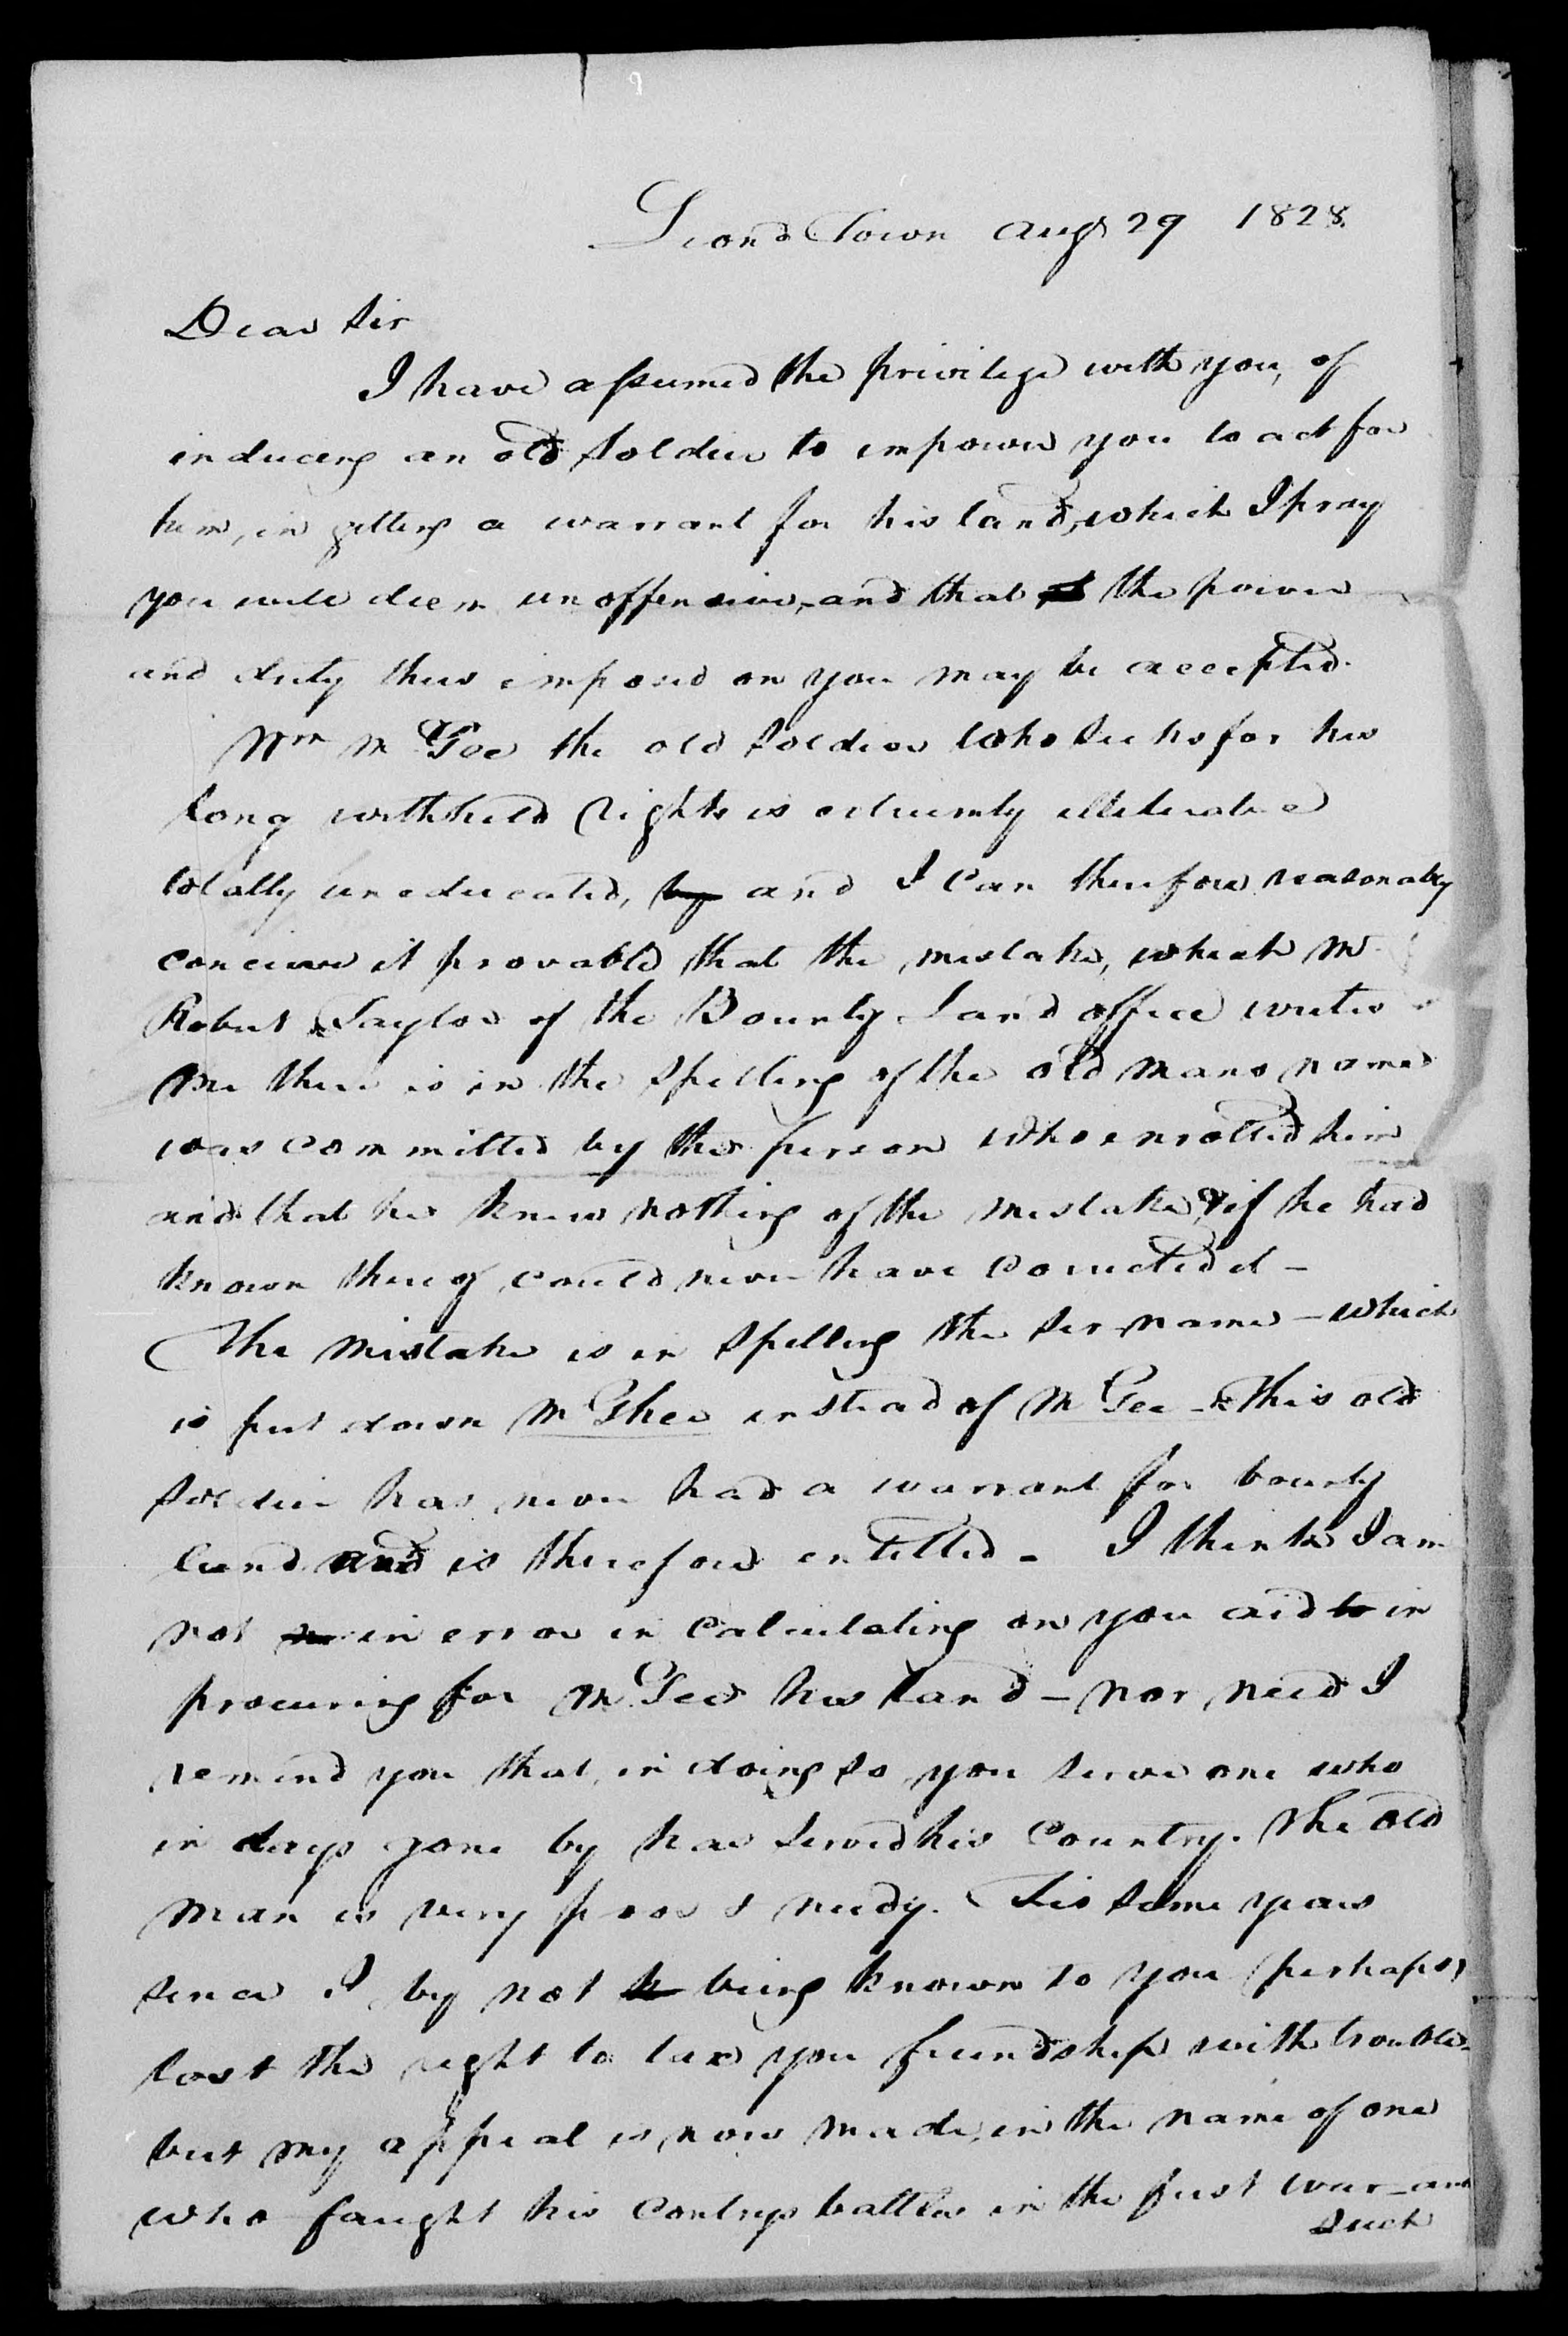[duplicate] 

Leonardtown Aug 29 1828 

Dear Sir:
I have assumed the privilege with you of inducing an old soldier to empower you to act for him, in getter a warrant for his land, which I pray you will deem unoffensive, and that the power and duty their imposed on you may be accepted. 

Wm. McGee the old soldier who seeks for his long withheld rights is extremely illiterate & totally uneducated, and I can therefore reasonably conceive it provable that the mistake, which Mr. Robert Taylor of the Bounty Land office writes and there is in the spelling of the old mans name was committed by the person who annexed him and that he knew nothing of the mistake & if he had known thereof could never have considered –
The mistake is in spelling the ser name [surname], which is put down McGhee instead of McGee. This old soldier has never had a warrant for bounty land and is therefore entitled. I think I am in error in calculating on you aid in procuring for McGee new land – nor, need I remind you that, in doing so, you serve one who in days gone by has served his country. The old man is very poor & needy. This some years since I, by not being known to you (perhaps) lost the right to tax you friendship with trouble but my appeal is now made, in the name of one such who fought his countrys [country’s] battles in the first war – and such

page: 13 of 17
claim: survivor's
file: S. 34980, for William Mc Gee, Maryland